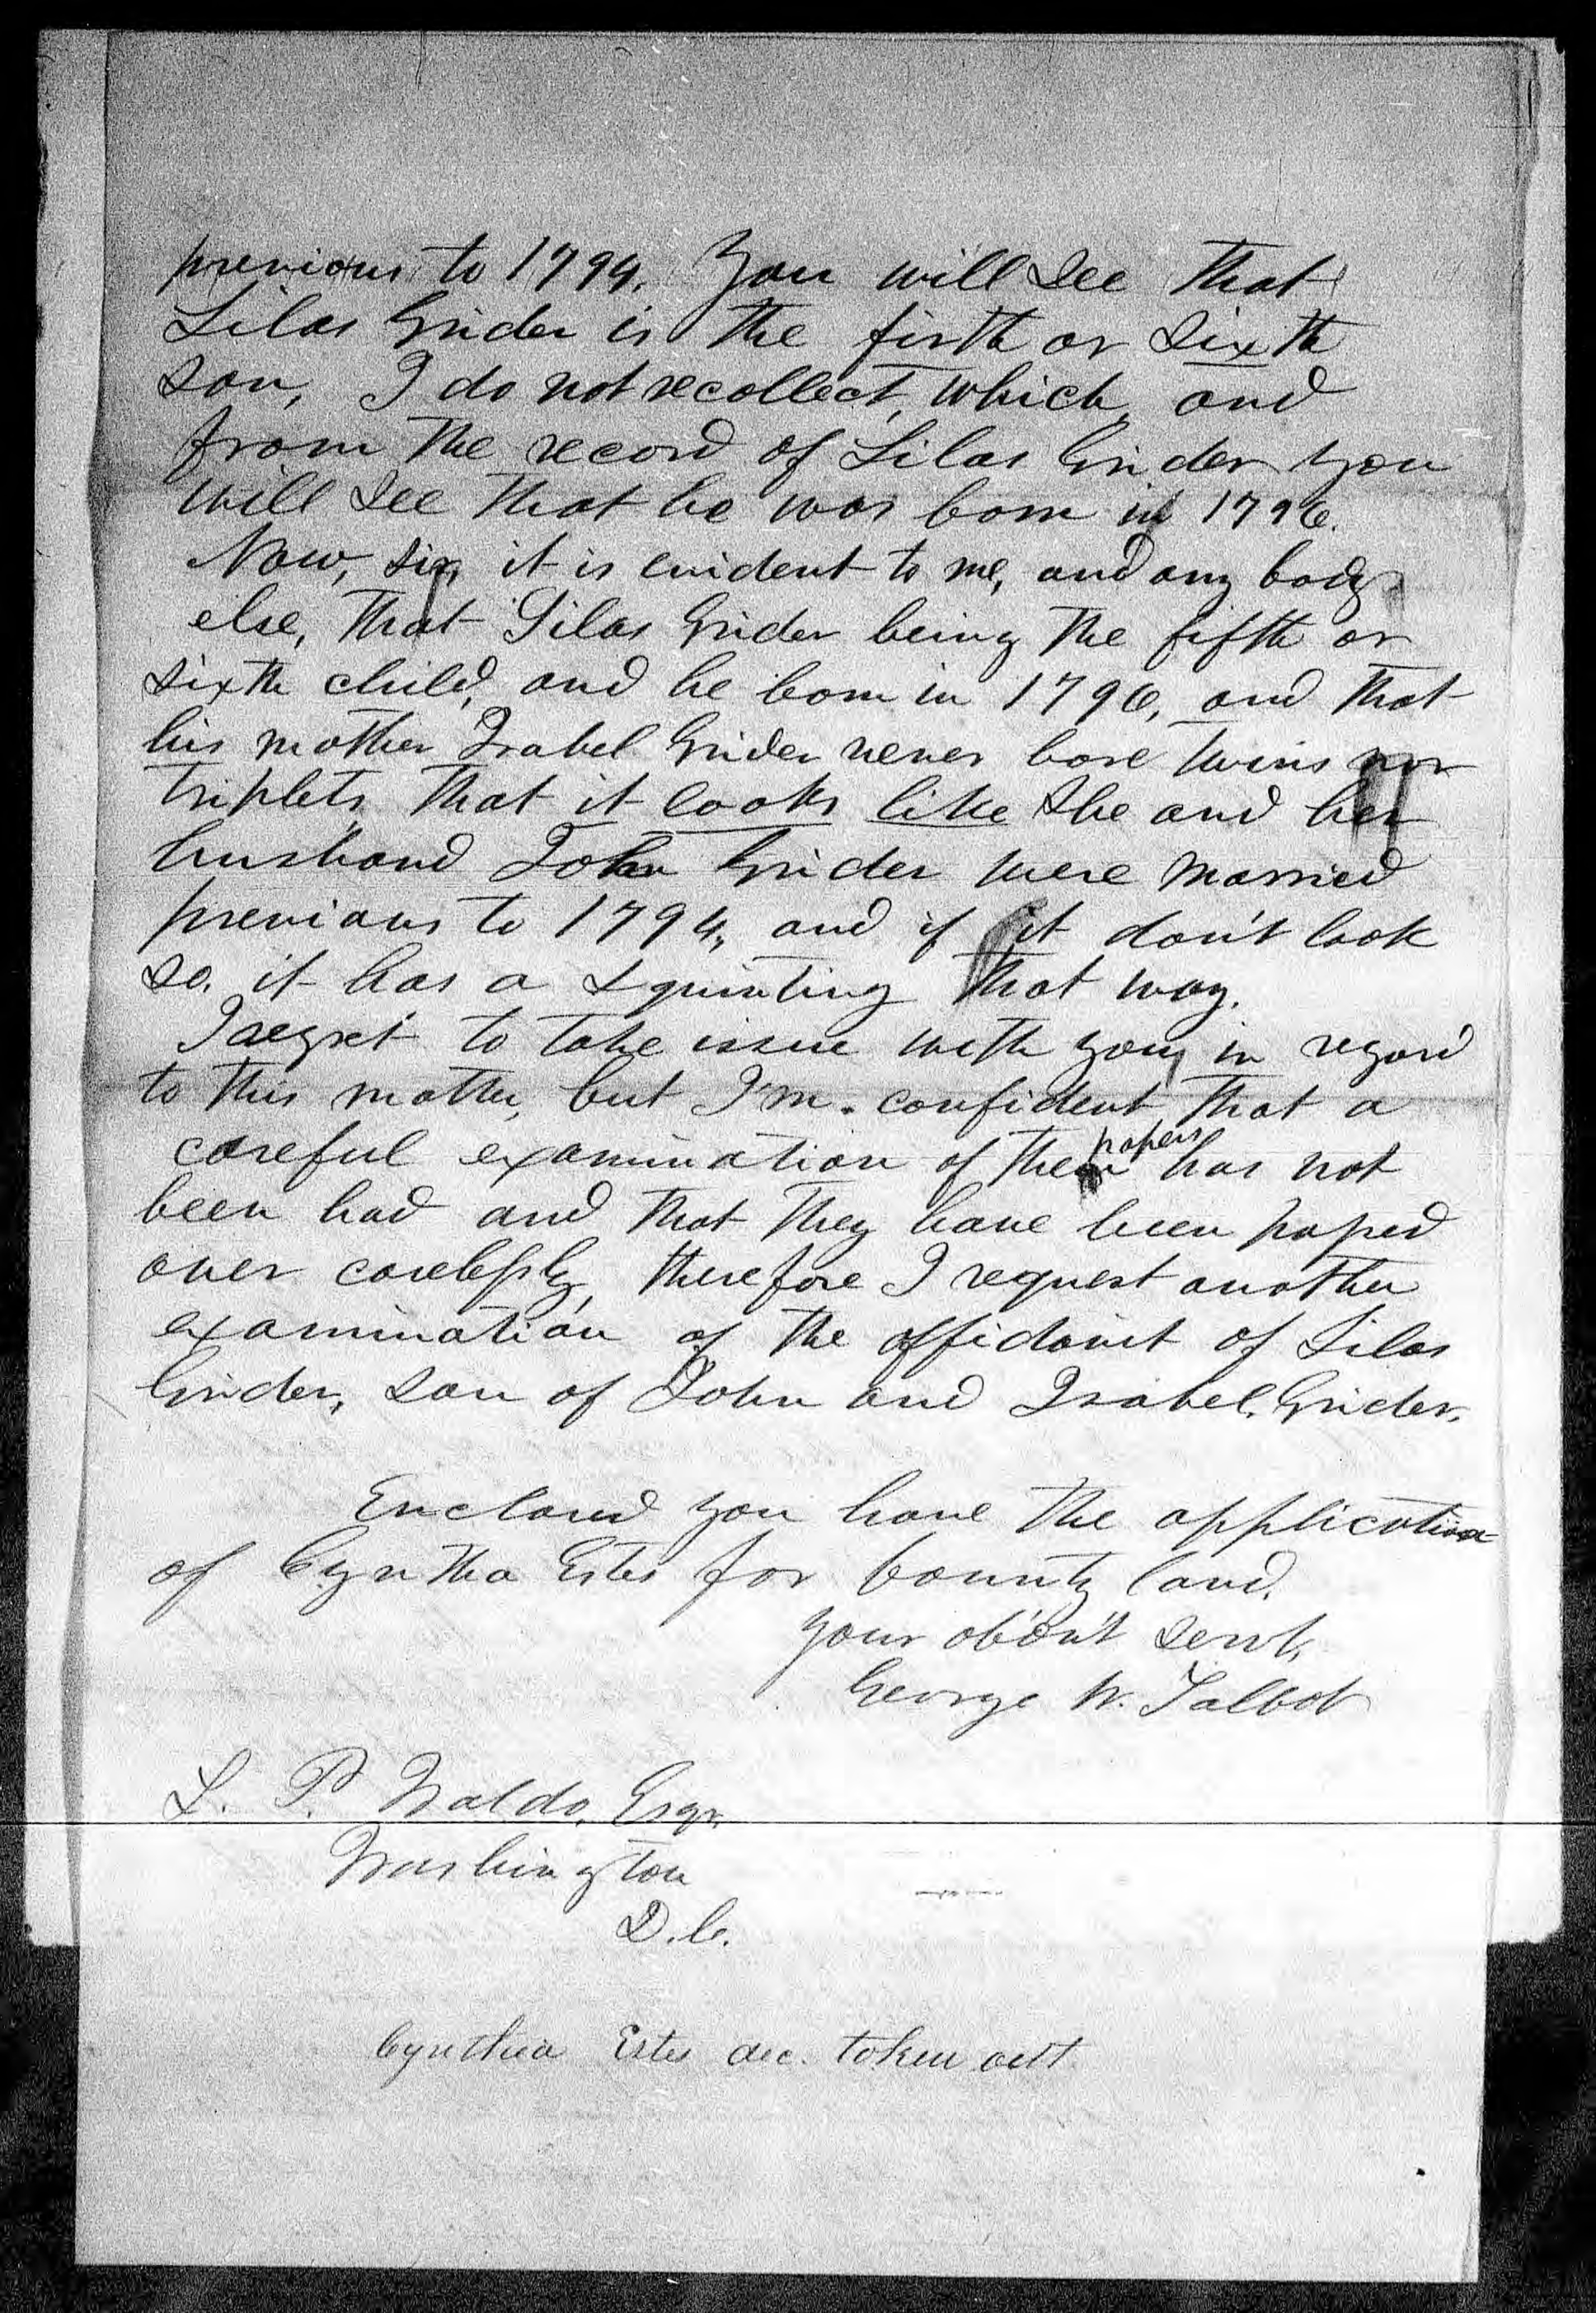previous to 1794, YOu will see that Silas Grider is the fifth or sixth son, I do not recollect which and from the record of Silas Grider you will see that he was born in 1796. Now, Sir, it is evident to me, and any body else, that Silas Grider being the fifth or sixth child, and he born in 1796, and that his mother Isabel Grider never bore twins nor triplets that it looks like sha and her husband John Grider were married previous to 1794, and if it don't look so it has a [illegible] that way.
I regret to take issue with you in regard to this matter, but I'm confident that a careful examination of the papers has not been had and that they have been passedover carelessly, therefore I request another examination of the affidavit of Silas Grider, son of John and Isabel Grider.
     Enclosed you have the application of Cynthia Estes for bounty land.

                   Your ob'dnt Servt,
                 George W. Talbot

L.P Waldo, Esq
Washington 
D.C.

Cnythia Estes Dec. Taken out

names: John Grider, Silas Grider, George W Talbot, Isabel Grider, L P Waldo, John Grider, Cyntha Estes, Silas Grider, Silas Grider, Isabel Grider, Silas Grider, Cynthia Estes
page: 51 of 91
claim: widow's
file: W 358, John Grider, N.C.